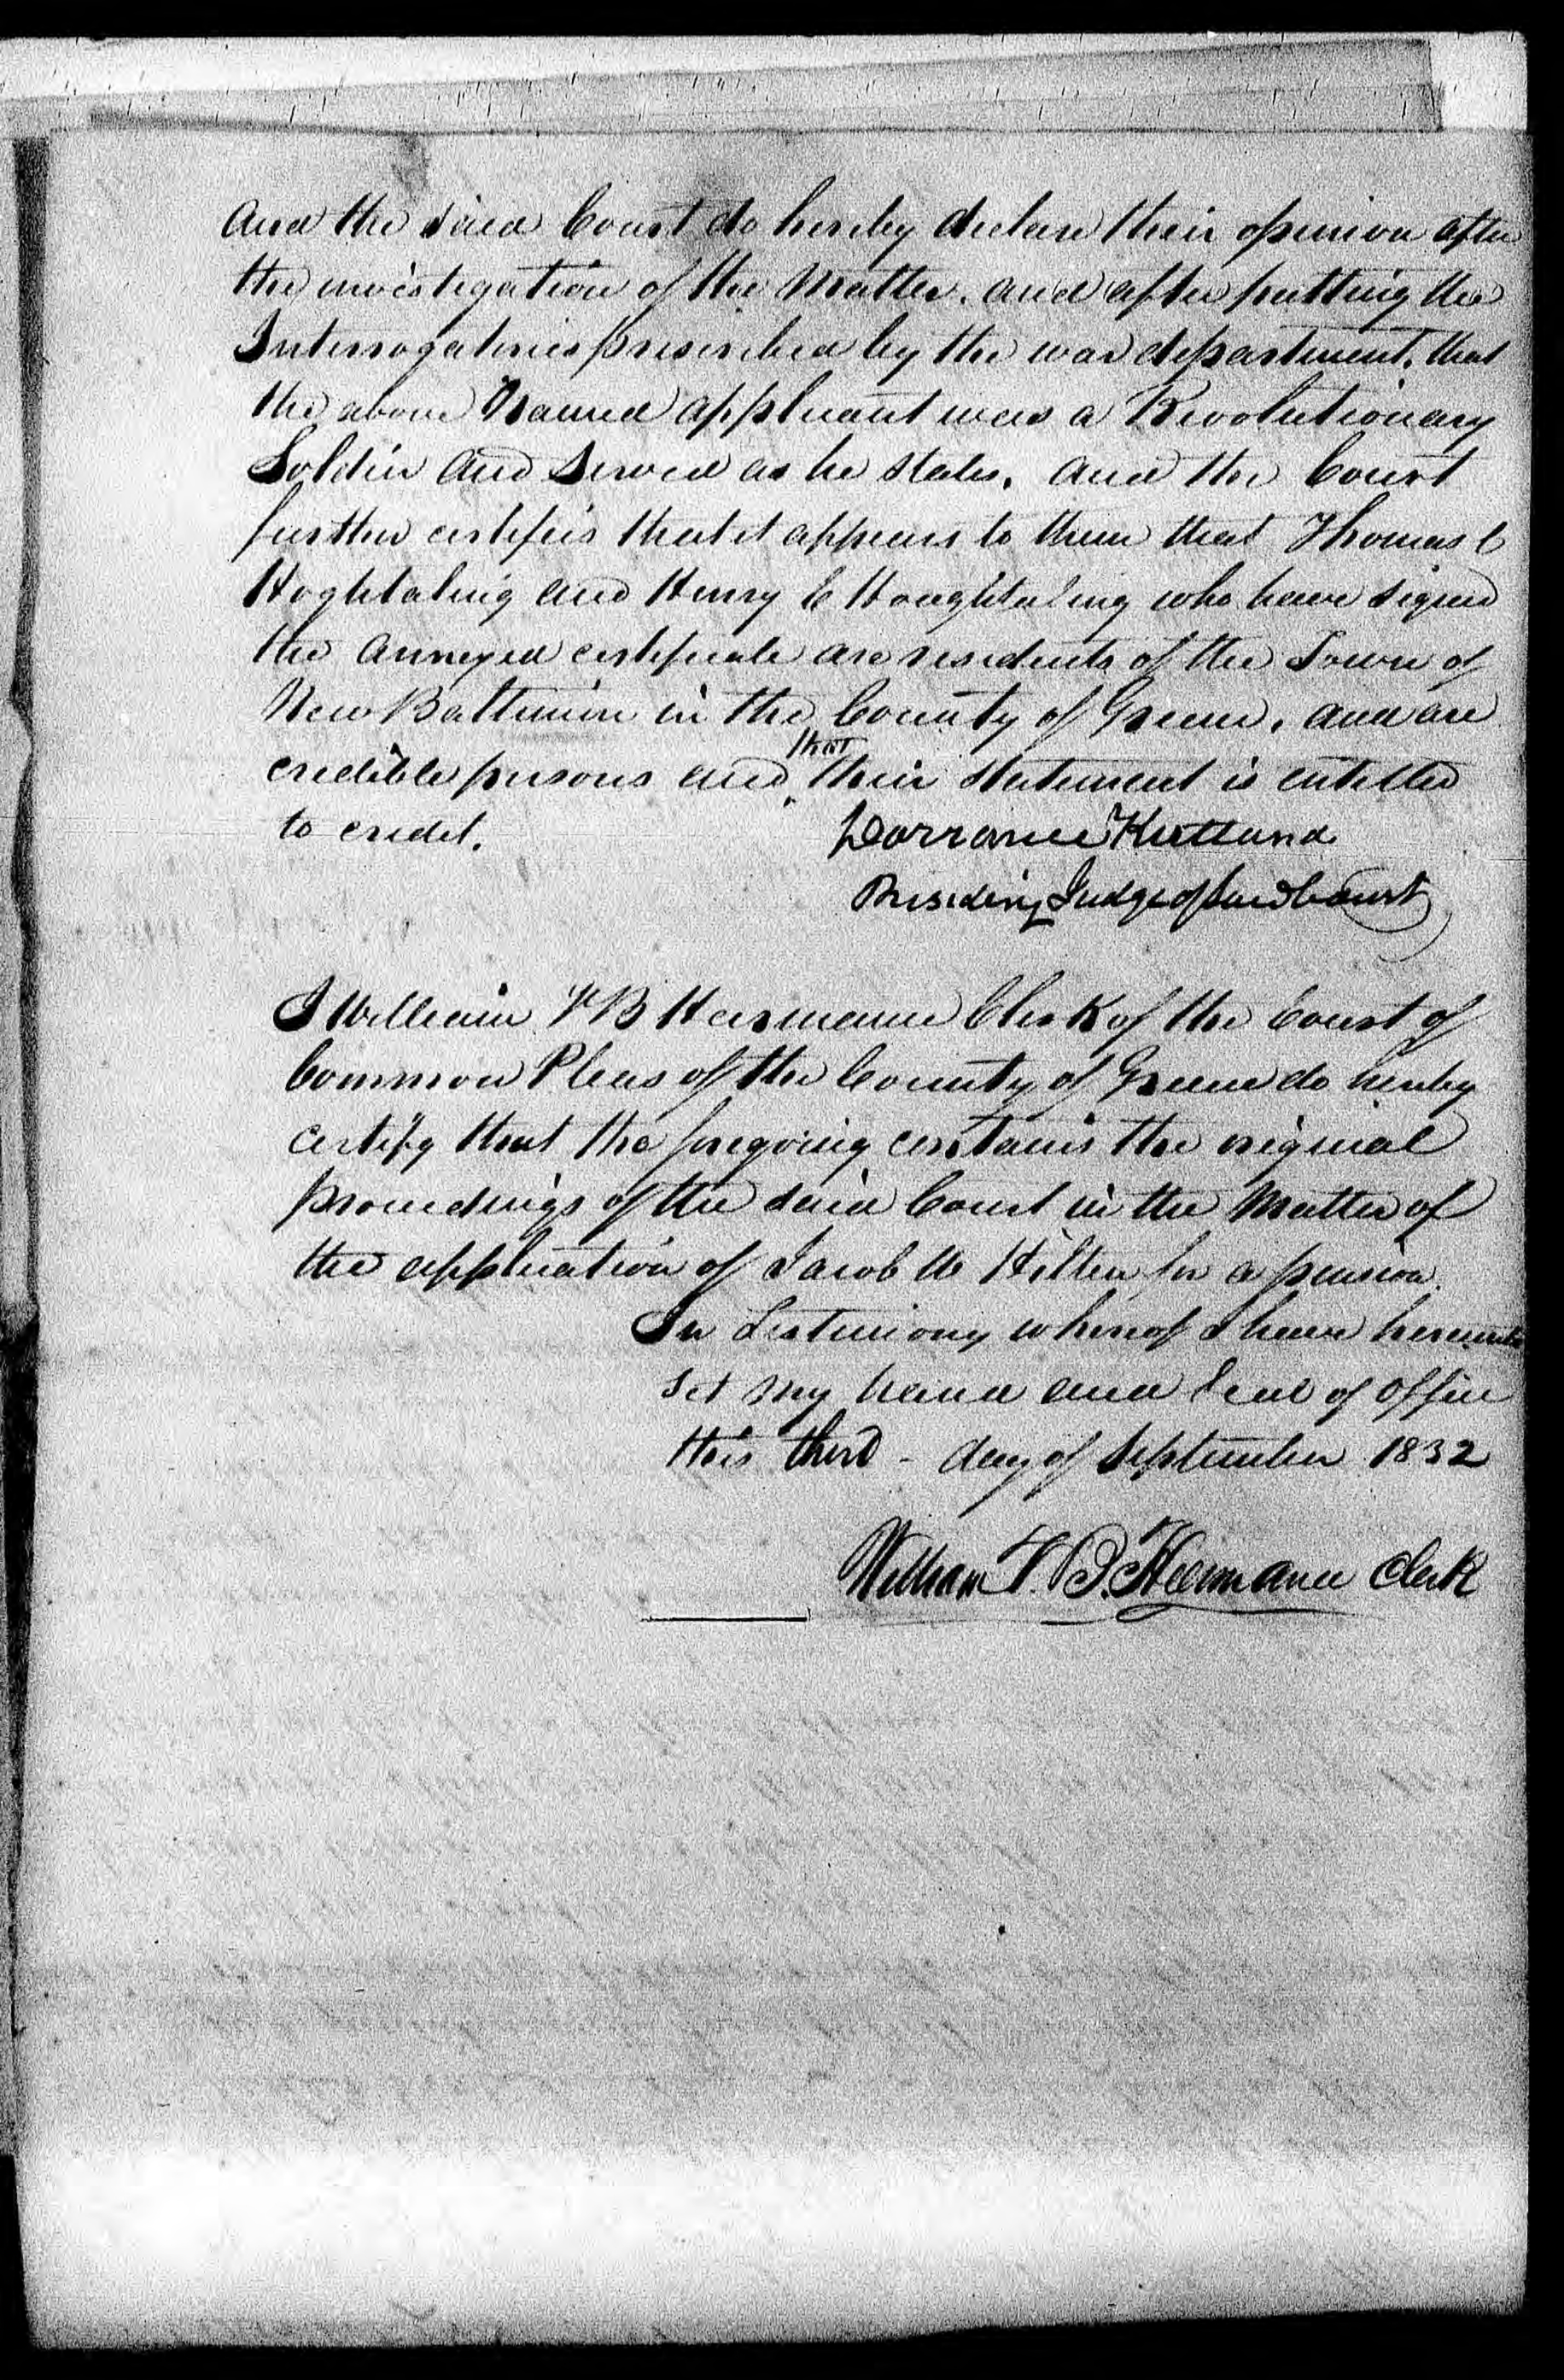Service
New York

Number
W. 19788

Hilton, Jacob W.
Hilton, Mary


and the Said Court do hereby declare their opinion after the investigation of the Matter and after putting the Interrogatories prescribed by the war department that the above named applicant was a Revolutionay Soldier and Served as he states, and the court further certifies that it appears to them that Thomas T Houghtaling and Henry E Houghtaling who have signed the annexed certificate are residents of the Town of New Baltimore in the County of Greene, and are credible persons and that their Statement is -- to credit.
Darrance Kirtland
Presiding Judge of said Court

I William B Heermance Clerk of the Court of Common Pleas of the County of Greene do hereby certify that the foregoing contains the original proceedings of the said Court in the matter of the application of Jacob W Hilten, for a pension.
In testimony whereof I have herewith
set my hand and Seal of office
this the third day pf September 1832

William T B Heermance Clerk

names: Henry C Houghtaling, William V B Heermance, Jacob W Hilton, William V B Heermance, Thomas C Hoghtaling, Darrance Kertland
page: 7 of 48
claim: widow's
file: W. 19788, Jacob W Hilton, New York